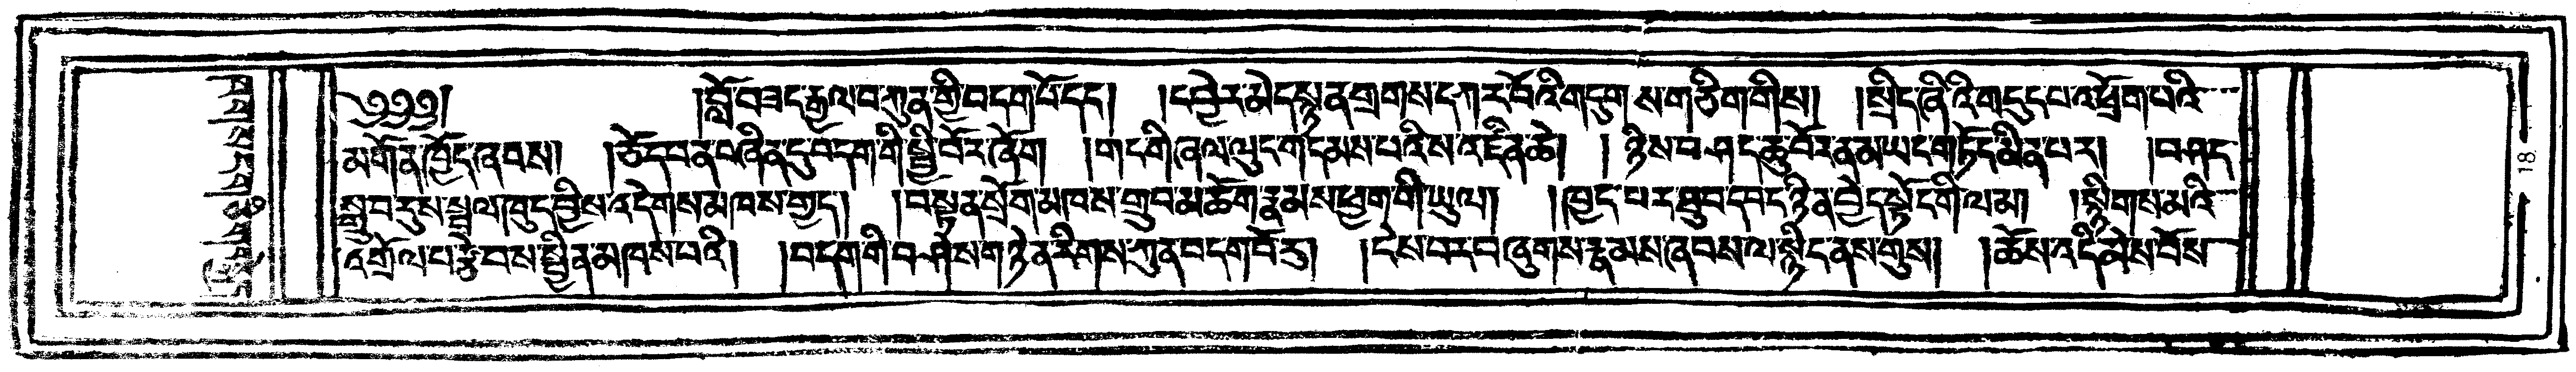༄༅༅། །བློ་བཟང་རྒྱལ་བ་ཀུན་གྱི་བདག་པོ་དང་། །དབྱེར་མེད་སྙན་གྲགས་དཀར་པོའི་གདུགས་གཅིག་གིས། །སྲིད་ཞིའི་གདུང་པ་འཕྲོག་པའི་
མགོན་ཁྱོད་ཞབས། །ཅོད་པན་བཞིན་དུ་བདག་གི་སྤྱི་བོར་ཞོག །གང་གི་ཞལ་ལུང་གདམས་པའི་ས་འཛིན་ཆེ། །ཉིས་བཤད་ཆུ་བོར་ནམ་ཡང་གཏོང་མིན་པར། །བཤད་
སྒྲུབ་རུས་སྤྲལ་ཁུ་དབྱིས་འདེགས་མཁས་གྱད། །བསྟན་སྲོག་མཁས་གྲུབ་མཆོག་རྣམས་ཕྱག་གི་ཡུལ། །ཁྱད་པར་ཐུབ་དབང་ཉིན་བྱེད་སྟོང་གི་ལམ། །སྙིགས་མའི་
འགྲོལ་པ་རྩེ་བས་སྦྱིན་མཁས་པའི། །བདག་གི་བཤེས་གཉེན་རིགས་ཀུན་བདག་པོ་རུ། །ངེས་པར་བཞུགས་རྣམས་ཞབས་ལ་སྙིང་ནས་གུས། །ཆོས་འདི་མེས་བོས་